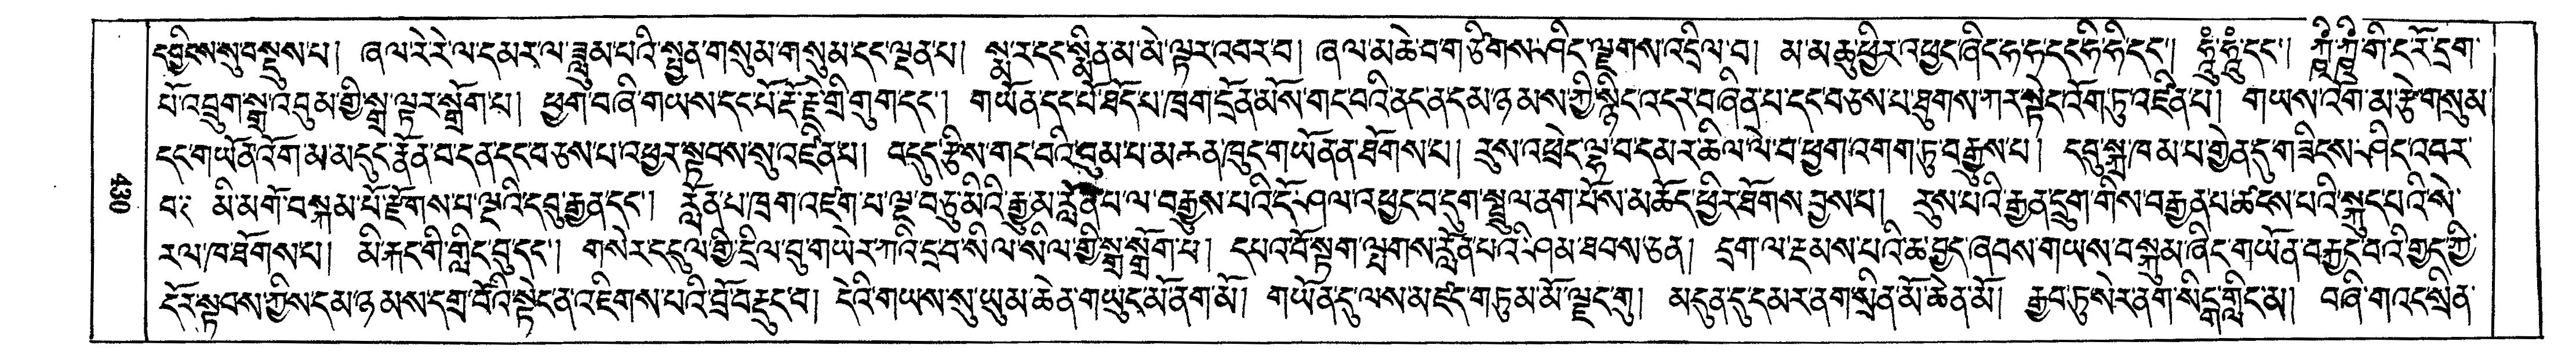དབྱིངས་སུ་བསྡུས་པ། ཞལ་རེ་རེ་ལ་དམར་ལ་ཟླུམ་པའི་སྤྱན་གསུམ་གསུམ་དང་ལྡན་པ། སྨ་ར་དང་སྨིན་མ་མེ་ལྟར་འབར་བ། ཞལ་མཆེ་བ་གཙིགས་ཤིང་ལྗགས་འདྲིལ་བ། མ་མཆུ་ཕྱིར་འཕྱང་ཞིང་ཧ་ཧ་དང་ཧི་ཧི་དང་། ཧཱུཾ་ཧཱུཾ་དང་། ཀྵིཾ་ཀྵིཾ་གི་ང་རོ་དྲག་
པོ་འབྲུག་སྒྲ་འབུམ་གྱི་སྒྲ་ལྟར་སྒྲོག་པ། ཕྱག་བཞི་གཡས་དང་པོ་རྡོ་རྗེ་གྲི་གུག་དང་། གཡོན་དང་པོ་ཐོད་པ་ཁྲག་དྲོན་མོས་གང་བའི་ནང་ན་དམ་ཉམས་ཀྱི་སྙིང་འདར་བཞིན་པ་དང་བཅས་པ་ཐུགས་ཀར་སྟེང་འོག་ཏུ་འཛིན་པ། གཡས་འོག་མ་རྩེ་གསུམ་
དང་གཡོན་འོག་མ་མདུང་རྣོན་བ་དན་དང་བཅས་པ་འཕྱར་སྟབས་སུ་འཛིན་པ། བདུད་རྩིས་གང་བའི་བུམ་པ་མཆན་ཁུང་གཡོན་ན་ཐོགས་པ། རུས་འཕྲེང་ལྷ་བ་དམར་ཆིལ་ལེ་པ་ཕྱག་འགག་ཏུ་བརྒྱུས་པ། དབུ་སྐྲ་ཁམ་པ་གྱེན་དུ་གཟིངས་ཤིང་འབར་
བ༑ མི་མགོ་བསྐམ་པོ་རྫོགས་བ་ལྔའི་དབུ་རྒྱན་དང་། རློན་པ་ཁྲག་འཛག་པ་ལྔ་བཅུ་མིའི་རྒྱུ་མ་རློན་པ་ལ་བརྒྱུས་པའི་དོ་ཤལ་འཕྱང་བ་དུག་སྦྲུལ་ནག་པོས་མཆོད་ཕྱིར་ཐོགས་བྱས་པ། རུས་པའི་རྒྱན་དྲུག་གིས་བརྒྱན་པ་ཚངས་པའི་སྐུད་བའི་སེ་
རལ་ཁ་ཐོགས་པ། མི་རྐང་གི་གླིང་བུ་དང་། གསེར་དངུལ་གྱི་དྲིལ་བུ་གཡེར་ཀའི་དྲ་བ་སིལ་སིལ་གྱི་སྒྲ་སྒྲོག་པ། དཔའ་བོ་སྟག་ཝགས་རློན་པའི་ཤམ་ཐབས་ཅན། དྲག་ལ་རྡམས་པའི་ཆ་བྱད་ཞབས་གཡས་བསྐུམ་ཞིང་གཡོན་བརྐྱང་བའི་གྱད་གི་
དོར་སྟབས་ཀྱིས་དམ་ཉམས་དགྲ་བོའི་སྟེང་ན་འཇིགས་པའི་བྲོ་བརྡུང་བ། དེའི་གཡས་སུ་ཡུམ་ཆེན་གཡུང་མོ་ནག་མོ། གཡོན་དུ་ལས་མཛད་གཏུམ་མོ་ལྗང་གུ། མདུན་དུ་དམར་ནག་སྲིན་མོ་ཆེན་མོ། རྒྱབ་ཏུ་སེར་ནག་སིངྒ་གླིང་མ། བཞི་གའང་སྲིན་